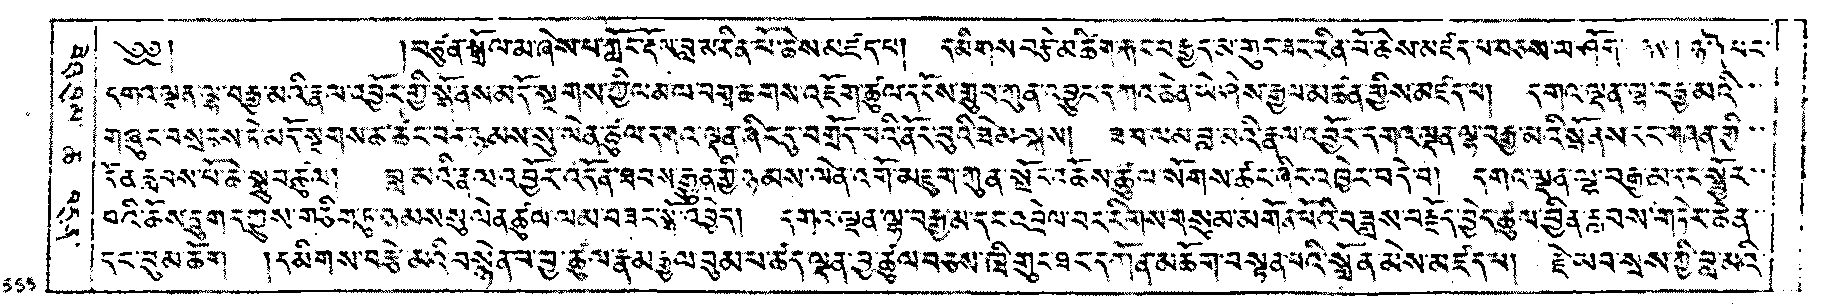༄༅། །བཙུན་སྒྲོལ་མ་ཞེས་པ་ཀློང་རྡོལ་བླ་མ་རིན་པོ་ཆེས་མཛད་པ། དམིགས་བརྩེ་མ་ཚིག་རྐང་བརྒྱད་མ་གུང་ཟང་རིན་པོ་ཆེས་མཛད་པ་བཅས་ལ་ཤོག ༢༤། ཉ་མར་
དགའ་ལྡན་ལྷ་བརྒྱ་མའི་རྣལ་འབྱོར་གྱི་སྒོ་ནས་མདོ་སྔགས་ཀྱི་ལམ་ལ་བག་ཆགས་འཇོག་ཚུལ་དངོས་གྲུབ་ཀུན་འབྱུང་དགའ་ཆེན་ཡེ་ཤེས་རྒྱལ་མཚན་གྱིས་མཛད་པ། དགའ་ལྡན་ལྷ་བརྒྱ་མའི་
གཞུང་བསྲངས་ཏེ་མདོ་སྔགས་ཆ་ཚང་བར་ཉམས་སུ་ལེན་ཚུལ་དགའ་ལྡན་ཞིང་དུ་བགློད་པའི་ནོར་བུའི་ཐེམ་སྐས། ཟབ་ལམ་བླ་མའི་རྣལ་འབྱོར་དགའ་ལྡན་ལྷ་བརྒྱ་མའི་སྒོ་ནས་རང་གཞན་གྱི་
དོན་རླབས་པོ་ཆེ་སྒྲུབ་ཚུལ། བླ་མའི་རྣལ་འབྱོར་འདོན་ཐབས་རྒྱུན་གྱི་ཉམས་ལེན་འགོ་མཇུག་ཀུན་སློང་འཆོས་ཚུལ་སོགས་ཚང་ཞིང་འཁྱེར་བདེ་བ། དགའ་ལྡན་ལྷ་བརྒྱ་མ་དང་སྦྱོར་
བའི་ཆོས་དྲུག་དཀྱུས་གཅིག་ཏུ་ཉམས་སུ་ལེན་ཚུལ་ལམ་བཟང་སྒོ་འབྱེད། དགའ་ལྡན་ལྷ་བརྒྱ་མ་དང་འབྲེལ་བར་རིགས་གསུམ་མགོན་པོའི་བཟླས་བརྗོད་བྱེད་ཚུལ་བྱིན་རླབས་གཏེར་ཆེན་
དང་བུམ་ཆོག །དམིགས་བརྩེ་མའི་བསྙེན་པ་བྱ་ཚུལ་རྣམ་རྒྱལ་བུམ་པ་ཚད་ལྡན་བྱ་ཚུལ་བཅས་ཁྲི་གུང་ཐང་དཀོན་མཆོག་བསྟན་པའི་སྒྲོན་མེས་མཛད་པ། རྗེ་ཡབ་སྲས་ཀྱི་བླ་མའི་